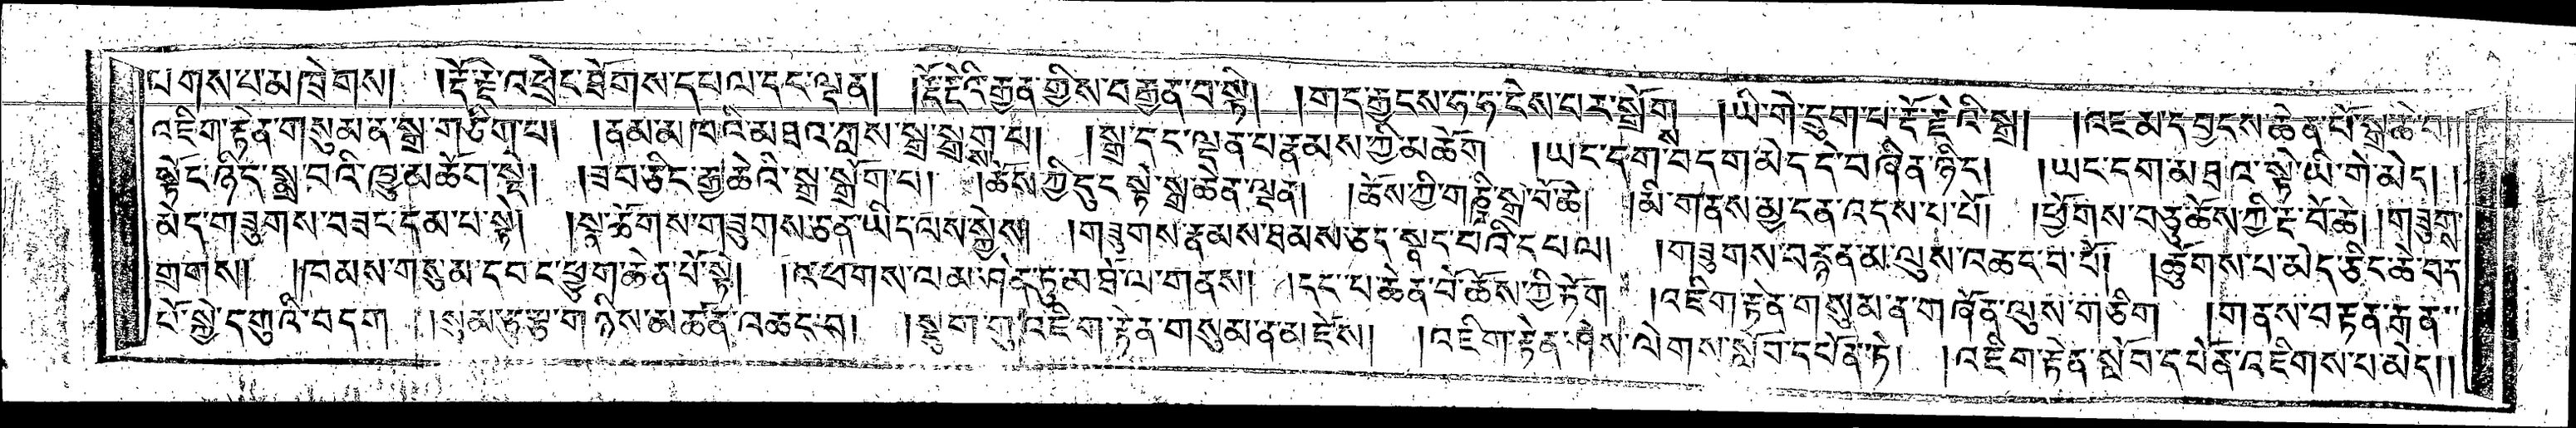ལགས་པ་མཁྲེགས། །རྡོ་རྗེ་འཕྲེང་ཐོགས་དཔལ་དང་ལྡན། །རྡོ་རྗེའི་རྒྱན་གྱིས་བརྒྱན་བ་སྟེ། །གད་རྒྱངས་ཧ་ཧ་ངེས་པར་སྒྲོགས་།ཡི་གེ་དྲུག་པ་རྡོ་རྗེའི་སྒྲ། །འཇམ་དབྱངས་ཆེན་པོ་སྒྲ་ཆེ་བ། །
འཇིག་རྟེན་གསུམ་ན་སྒྲ་གཅིག་པ། །ནམ་མཁའི་མཐའ་ཀླས་སྒྲ་སྒྲགས་པ། །སྒྲ་དང་ལྡན་པ་རྣམས་ཀྱི་མཆོག །ཡང་དག་བདག་མེད་དེ་བཞིན་ཉིད། །ཡང་དག་མཐའ་སྟེ་ཡི་གེ་མེད། །
སྟོང་ཉིད་སྨྲ་བའི་ཁྱུ་མཆོག་སྡེ། །ཟབ་ཅིང་རྒྱ་ཆེའི་སྒྲ་སྒྲོག་པ། །ཆོས་ཀྱི་དུང་སྟེ་སྒྲ་ཆེན་ལྡན། །ཆོས་ཀྱི་གཎྜི་སྒྲ་བོ་ཆེ། །མི་གནས་མྱ་ངན་འདས་པ་པོ། །ཕྱོགས་བཅུ་ཆོས་ཀྱི་རྔ་བོ་ཆེ། །གཟུགས་
མེད་གཟུགས་བཟང་དམ་པ་སྟེ། ། སྣ་ཚོགས་གཟུགས་ཅན་ཡིད་ལས་སྐྱེས། །གཟུགས་རྣམས་ཐམས་ཅད་སྣང་བའི་དཔལ། །གཟུགས་བརྙན་མ་ལུས་འཆང་བ་པོ། །ཚུགས་པ་མེད་ཅིང་ཆེ་བར་
གྲགས། །ཁམས་གསུམ་དབང་ཕྱུག་ཆེན་པོ་སྟེ། །འཕགས་ལམ་ཤེན་ཏུ་མཐོ་ལ་གནས། །དང་པོ་ཆེན་བོ་ཆོས་ཀྱི་ཏོག །འཇིག་རྟེན་གསུམ་ན་གཞོན་ལུས་གཅིག །གནས་བརྟན་རྒན་
པོ་སྐྱེ་དགུའི་བདག །སུམ་ཅུ་རྩ་གཉིས་མཚན་འཆང་བ། །སྡུག་གུ་འཇིག་རྟེན་གསུམ་ན་མཛེས། །འཇིག་རྟེན་ཤེས་ལེགས་སློབ་དཔོན་ཏེ། །འཇིག་རྟེན་སློབ་དཔོན་འཇིགས་པ་མེད། །